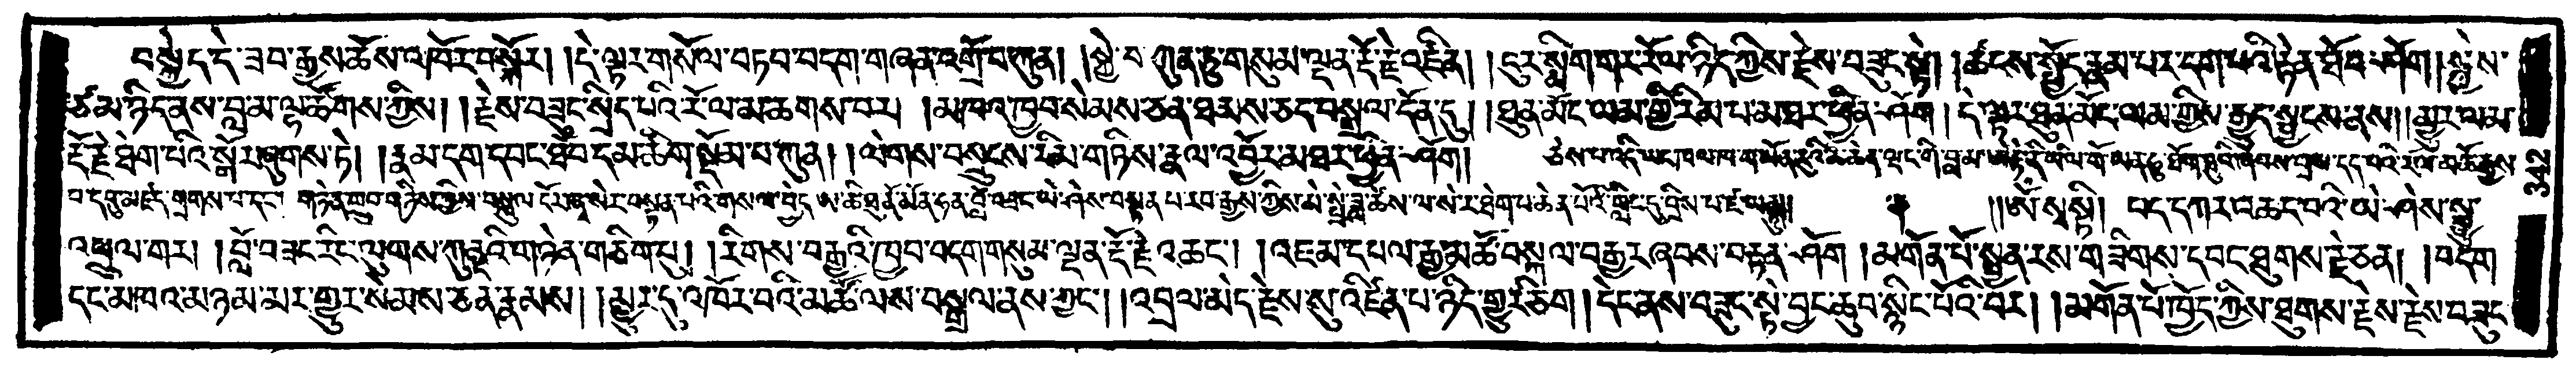བསྐྱེད་དེ་ཟབ་རྒྱས་ཆོས་འཁོར་བསྐོར། །དེ་ལྟར་གསོལ་བཏབ་བདག་གཞན་འགྲོ་བ་ཀུན། །སྐྱེ་བ་ཀུན་ཏུ་གསུམ་ལྡན་རྡོ་རྗེ་འཛིན། །ངུར་སྨིག་གར་རོལ་ཉིད་ཀྱིས་རྗེས་བཟུང་སྟེ། །ཚངས་སྤྱོད་རྣམ་པར་དག་པའི་རྟེན་ཐོབ་ཤོག །སྐྱེས་
ཙམ་ཉིད་ནས་བླ་མ་ལྷ་ཚོགས་ཀྱིས། །རྗེས་བཟུང་སྲིད་པའི་རོ་ལ་མ་ཆགས་བར། །མཁའ་ཁྱབ་སེམས་ཅན་ཐམས་ཅད་བསྒྲལ་དོན་དུ། །ཐུན་མོང་ལམ་གྱི་རིམ་པ་མཐར་ཕྱིན་ཤོག །དེ་ལྟར་ཐུན་མོང་ལམ་གྱིས་རྒྱུད་སྦྱངས་ནས། །མྱུར་ལམ་
རྡོ་རྗེ་ཐེག་པའི་སྒོར་ཞུགས་ཏེ། །རྣམ་དག་དབང་ཐོབ་དམ་ཚིག་སྡོམ་པ་ཀུན། །ལེགས་བསྲུངས་རིམ་གཉིས་རྣལ་འབྱོར་མཐར་ཕྱིན་ཤོག །ཅེས་པ་འདི་ཡང་ཁལ་ཁ་གཡོན་རུའི་ཆ་ཆེན་ཝང་གི་བླ་མ་ཨེ་རྟེ་རི་ཡི་ལ་གོ་ཡན་ཧུ་ཐོག་ཐུའི་ཞབས་བྲིས་དད་པའི་རོལ་མཚོ་རྒྱས་
པ་དབུ་མཛད་གྲགས་པ་དང་། གཉེན་གྲུབ་གཉིས་ཀྱིས་བསྐུལ་ངོར་ཞྭ་སེར་བསྟན་པའི་གསལ་བྱེད་ཨ་ཆི་ཐུ་ནོ་མོན་ཧན་བློ་བཟང་ཡེ་ཤེས་བསྟན་པ་རབ་རྒྱས་ཀྱིས་མེ་སྤྲེ་ཟླ་ཚེས་ལ་སེ་ར་ཐེག་པ་ཆེན་པོའི་གླིང་དུ་བྲིས་པ་ཛ་ཡནྟུ།། ༈ །།ཨོཾ་སྭསྟི། པད་དཀར་འཆང་བའི་ཡེ་ཤེས་སྒྱུ་
འཕྲུལ་གར། །བློ་བཟང་རིང་ལུགས་ཀུནྡའི་གཉེན་གཅིག་པུ། །རིགས་བརྒྱའི་ཁྱབ་བདག་གསུམ་ལྡན་རྡོ་རྗེ་འཆང་། །འཇམ་དཔལ་རྒྱ་མཚོ་བསྐལ་བརྒྱར་ཞབས་བརྟན་ཤོག །མགོན་པོ་སྤྱན་རས་གཟིགས་དབང་ཐུགས་རྗེ་ཅན། །བདག་
དང་མཁའ་མཉམ་མར་གྱུར་སེམས་ཅན་རྣམས། །མྱུར་དུ་འཁོར་བའི་མཚོ་ལས་བསྒྲལ་ནས་ཀྱང་། །འབྲལ་མེད་རྗེས་སུ་འཛིན་པ་ཉིད་གྱུར་ཅིག །དེང་ནས་བཟུང་སྟེ་བྱང་ཆུབ་སྙིང་པོའི་བར། །མགོན་པོ་ཁྱོད་ཀྱིས་ཐུགས་རྗེས་རྗེས་བཟུང་